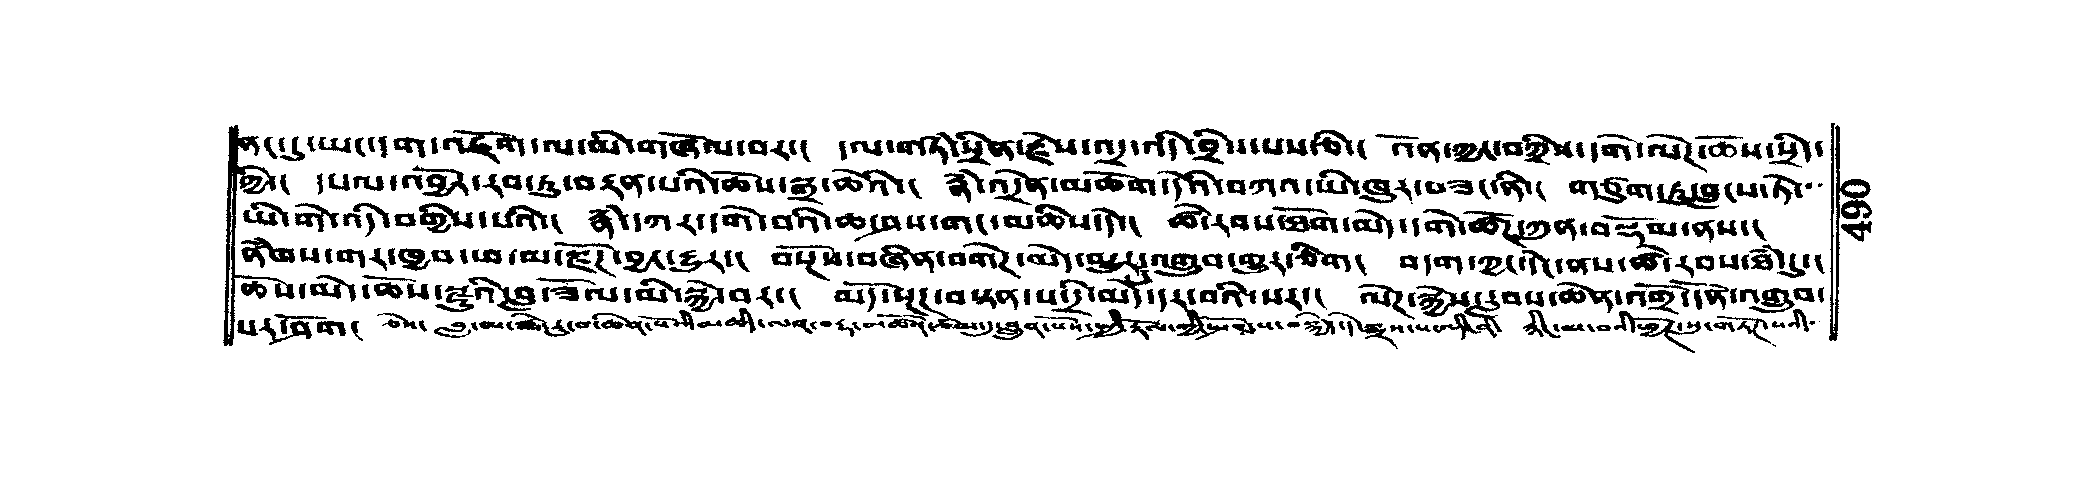།ནང་དུ་ཡང་དག་འཇོག་ལ་མི་གཞོལ་བར། །དལ་གཏམ་སྲིན་རྗེས་འདྲ་འདི་བྲིས་པས་ཅི། །འོན་ཀྱང་བཀྲ་ཤིས་དགེ་ལེགས་ཆོས་སྲིད་
ཀྱི། །དཔལ་འབྱོར་རབ་ཏུ་བརྟན་པའི་ཆོས་སྒྲ་ཆེའི། །རྣམ་འདྲེན་མཆོག་དེའི་བཀའ་ཡི་ཁུར་བཟང་ནི། །གཙུག་ཏུ་བླངས་ཏེ་
ཡི་གེ་འདི་བགྱིས་པའི། །རྣམ་དཀར་དགེ་བའི་ཆ་ཤས་གང་མཆིས་དེ། །ཚེ་རབས་ཐོག་མེད་དགེ་ཚོགས་ཀུན་བསྡོམ་ནས། །
ནམ་མཁས་གར་ཁྱབ་ཕ་མ་རྫོགས་བྱང་རྒྱུར། །བསྔོ་བཞིན་བགེགས་མེད་མྱུར་དུ་འགྲུབ་གྱུར་ཅིག།བདག་ཀྱང་དེང་ནས་ཚེ་རབས་ཐམས་ཅད་དུ། །
ཆོས་མེད་ཆོས་རྫུའི་བླ་ཟོལ་མི་སྐྱེ་བར། །མདོ་སྔགས་བསྟན་པ་དྲི་མེད་དར་བའི་སར། །ལེགས་སྐྱེས་རླབས་ཆེན་འགྲོ་དོན་འགྲུབ་
པར་ཤོག ཅེས་བླ་མ་རྨེ་རུ་བ་ཆེན་པོའི་མཆིད་ལན་བརྡ་མཚོན་ཙམ་དུ་བླུན་པོས་སྤྱི་རྟོལ་གྱི་སྤོབས་པ་བསྐྱེད་དེ་སྨྲས་པ་འདི་ནི། རྙིང་མ་བའི་ཕྱོགས་སུ་གཏོགས་པའི་